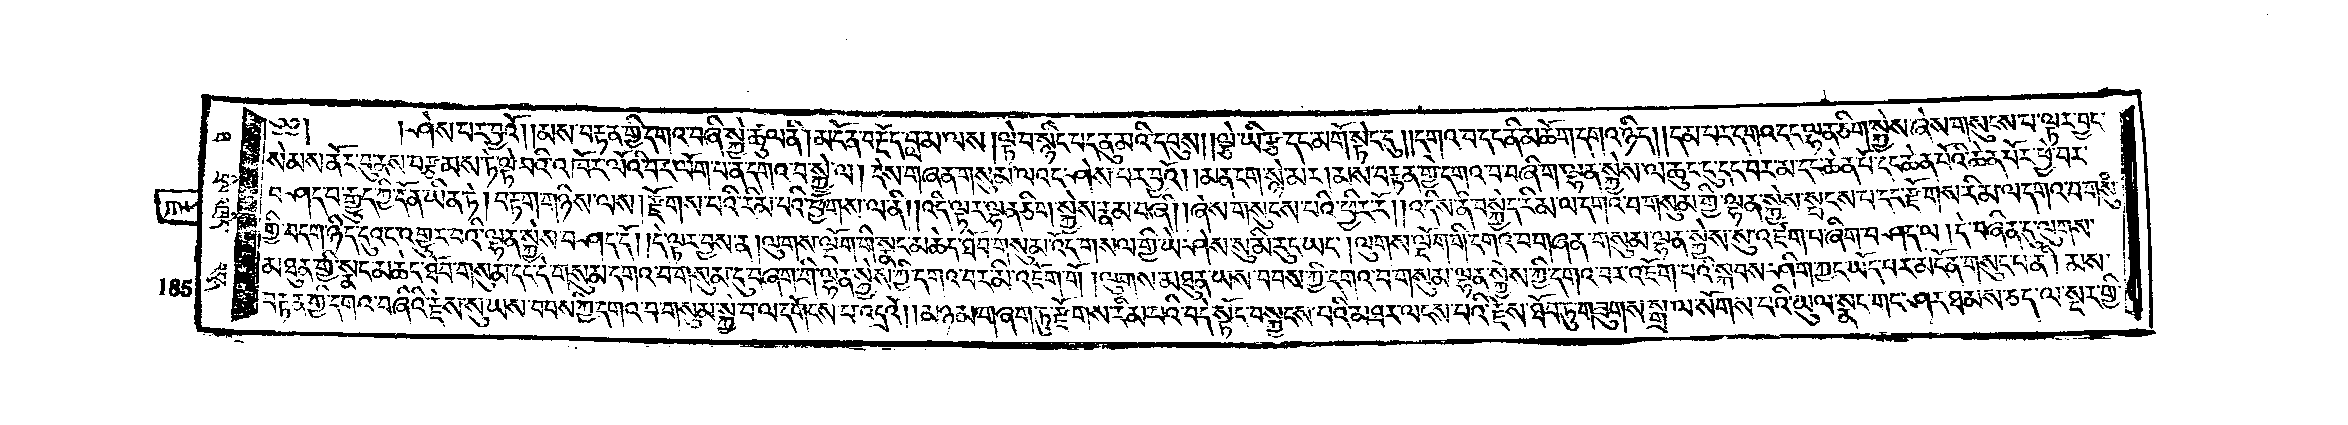༄༅། །ཤེས་པར་བྱའོ། །མས་བརྟན་གྱི་དགའ་བཞི་སྐྱེ་ཚུལ་ནི། མངོན་བརྗོད་བླ་མ་ལས། ལྟེ་བ་སྙིང་པད་ནུ་མའི་དབུས། །ལྕེ་ཡི་རྩ་དང་མགོ་སྟེང་དུ། །དགའ་བ་དང་ནི་མཆོག་དགའ་ཉིད། །དམ་པར་དགའ་དང་ལྷན་ཅིག་སྐྱེས་ཞེས་གསུངས་པ་ལྟར་བྱང་
སེམས་ནོར་བུ་ནས་བརྩམས་ཏེ་ལྟེ་བའི་འཁོར་ལོའི་བར་ལོག་པ་ན་དགའ་བ་སྐྱེ་ལ། དེས་གཞན་གསུམ་ལའང་ཤེས་པར་བྱའོ། །མན་ངག་སྙེ་མར། མས་བརྟན་གྱི་དགའ་བ་བཞི་ག་ལྷན་སྐྱེས་ལ་ཆུང་ངུ་དང་བར་མ་དང་ཆེན་པོ་དང་ཆེན་པོའི་ཆེན་པོར་ཕྱེ་བར་
བཤད་པ་རྒྱུད་ཀྱི་དོན་ཡིན་ཏེ། བརྟག་གཉིས་ལས། རྫོགས་པའི་རིམ་པའི་ཕྱོགས་ལ་ནི། །འདི་ལྟར་ལྷན་ཅིག་སྐྱེས་རྣམ་བཞི། །ཞེས་གསུངས་པའི་ཕྱིར་རོ། །འདིས་ནི་བསྐྱེད་རིམ་ལ་དགའ་བ་གསུམ་གྱི་ལྷན་སྐྱེས་སྤངས་པ་དང་རྫོགས་རིམ་ལ་དགའ་བ་གསུམ་
གྱི་བདག་ཉིད་དུའང་འགྱུར་བའི་ལྷན་སྐྱེས་བཤད་དོ། །དེ་ལྟར་བྱས་ན། ལུགས་ལྡོག་གི་སྣང་མཆེད་ཐོབ་གསུམ་འོད་གསལ་གྱི་ཡེ་ཤེས་སུ་མི་རུང་ཡང་། ལུགས་ལྡོག་གི་དགའ་བ་གཞན་གསུམ་ལྷན་སྐྱེས་སུ་འཇོག་པ་ཞིག་བཤད་ལ། དེ་བཞིན་དུ་ལུགས་
མཐུན་གྱི་སྣང་མཆེད་ཐོབ་གསུམ་དང་དེ་གསུམ་དགའ་བ་གསུམ་དུ་བཞག་གི་ལྷན་སྐྱེས་ཀྱི་དགའ་བར་མི་འཇོག་གོ །ལུགས་མཐུན་ཡས་བབས་ཀྱི་དགའ་བ་གསུམ་ལྷན་སྐྱེས་ཀྱི་དགའ་བར་འཇོག་པའི་སྐབས་ཤིག་ཀྱང་ཡོད་པར་མངོན་གསུང་པ་ནི། མས་
བརྟན་གྱི་དགའ་བཞིའི་རྗེས་སུ་ཡས་བབས་ཀྱི་དགའ་བ་གསུམ་སྐྱེ་བ་ལ་དགོངས་པ་འདྲའོ། །མཉམ་གཞག་ཏུ་རྫོགས་རིམ་པའི་བདེ་སྟོང་བསྐྱངས་པའི་མཐར་ལངས་པའི་རྗེས་ཐོབ་ཏུ་གཟུགས་སྒྲ་ལ་སོགས་པའི་ཡུལ་སྣང་གང་ཤར་ཐམས་ཅད་ལ་སྔར་གྱི་